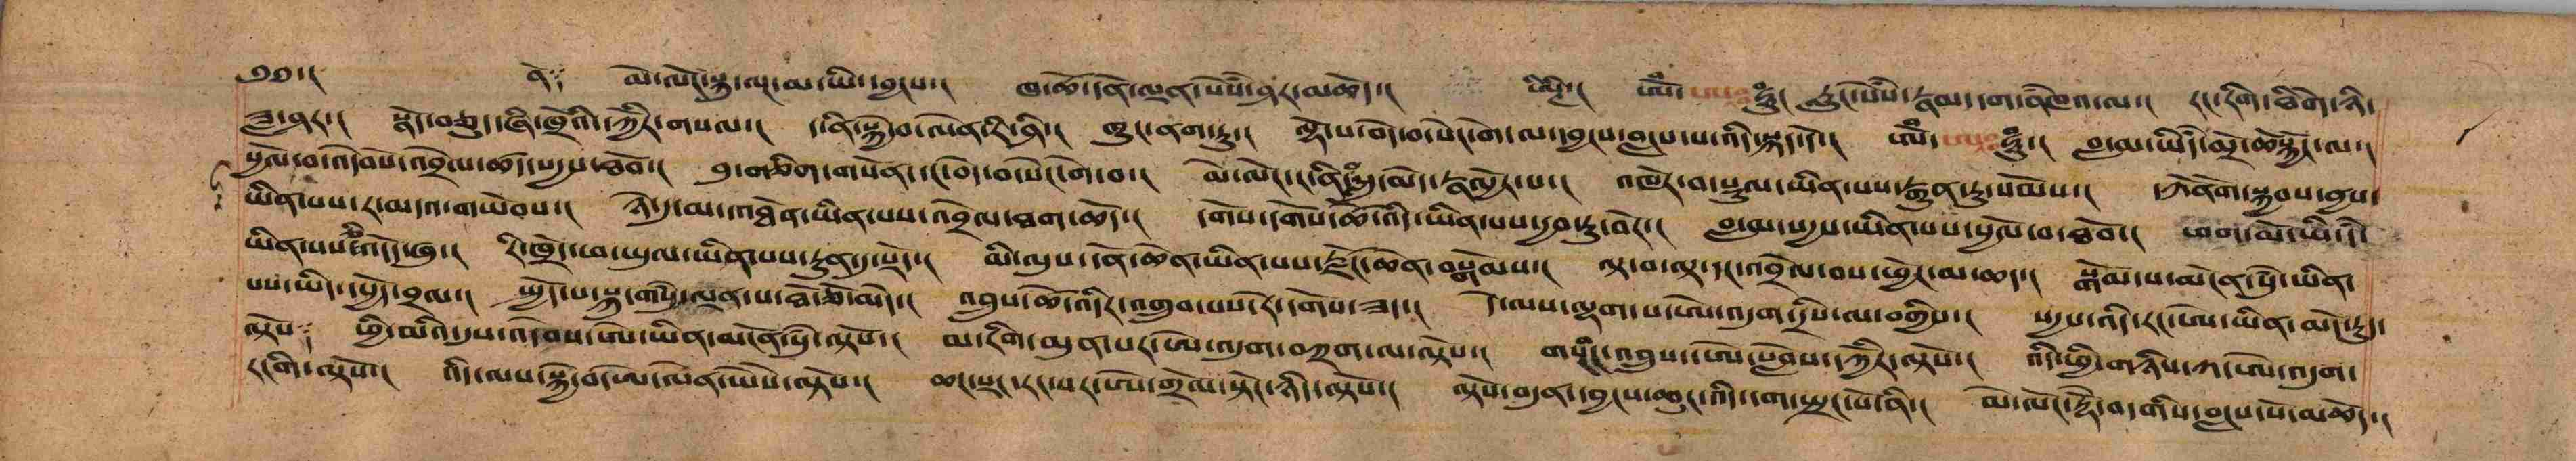༄༅།། ནོ།། མེ་ལོང་སྐུ་ལྔ་མ་ཡི་དབྱངས།། ཁ་ཚེ་དོན་ལྡན་སེམས་ཤར་མཆོད།། ཨིཊི།། ཨོཾ་ཨཱཿཧཱུཾ། རླུང་སེམས་རྣམ་དག་ནམ་མཁའ་ལ།། རང་རིག་ཐིག་ལེ་ཉི་
ཟླ་ཤར།། སྣོད་་བཅུད་ཞི་ཁྲོའི་དཀྱིལ་འཁོར་གསལ།། ད་ནི་སྐྱེ་བ་ལེན་རི་ཤི། ཁྱུང་ནག་ཏུ།། ལྷོ་པ་བདེ་བ་སེང་གེ་ལ་དབྱངས་བླངས་པ་འདི་སྐད་དོ།། ཨོཾ་ཨཱཿཧཱུཾ།། བླ་མ་ཡིད་དམ་མཁའ་འགྲོ་ཆོས་སྐྱོང་ལ།། 
གསོལ་བ་འདེབས་སོ་འབྲེལ་ཚད་སངས་རྒྱས་ཐོབ།། བུ་གཅིག་གསོན་དང་བདེ་བ་སེང་གེ་བ།། མེ་ལོང་ང་ནི་བསླུ་མེད་རྣལ་འབྱོར་པ།། འཁོར་བ་སྡུག་བསྔལ་ཡིན་པས་རྒྱུན་དུ་སོམས།། དཀོན་མཆོག་སྐྱབས་གནས་
ཡིན་པས་ར་མདའ་གཡོབས།། ཉེ་དུ་མ་འཐོན་ཡིན་པས་འབྲེལ་ཐག་ཆོད།། དགོས་དགོས་ཚེ་འདི་ཡིན་པས་རྒྱབ་ཏུ་བོར།། བླ་མ་སངས་རྒྱས་ཡིན་པས་གསོལ་བ་ཐོབ།། ཕག་མོ་ཡིད་དམ་
ཡིན་པས་ཅི་འདོད་ཞུ།། རི་ཁྲོད་ཕ་ཡུལ་ཡིན་པས་རྒྱུན་དུ་སྡོད།། མི་ལུས་དོན་ཆེན་ཡིན་པས་རྫོགས་ཆེན་བསྒོམས།། ལྟ་བ་ལྟ་དང་འབྲེལ་བས་ཕྱོགས་མ་ཆད།། སྒོམ་པ་མངོན་སུམ་ཡིན་
པས་ཡིད་དཔྱོད་བྲལ།། སྤྱོད་པ་སྐུ་གསུམ་ལྡན་པ་ཐེ་ཚོམ་མེད།། འབྲས་བུ་ཚེ་འདིར་འགྲུབ་པས་རེ་དོགས་ཟད།། དེ་ལས་ལྷག་པ་ཨེ་འདུག་དྲིས་ལ་བགྱིས།། སངས་རྒྱས་འདི་རང་ཨེ་ཡིན་མདོ་རྒྱུད་
ལྟོས།། ཕྱི་མའི་དུས་འདེབས་ཨེ་ཡིན་མངོན་སུམ་ལྟོས།། མ་རིག་མུན་པར་ཨེ་འདུག་བཀྲག་ལ་ལྟོས།། གསང་སྔགས་འབྲས་བུ་ཨེ་སླེབས་དཀྱིལ་འཁོར་ལྟོས།། འདི་ཕྱི་གཉིས་ཀ་ཨེ་འདུག་
རང་རིག་ལྟོས།། འདི་ལས་སྐྱེ་བ་ཨེ་ལེན་ཡེ་ཤེས་ལྟོས།། ཆགས་སྡང་རང་སར་ཨེ་གྲོལ་སྟོང་ཉིད་ལྟོས།། ལྟོས་བདུན་དབྱངས་ཆུང་འདི་དག་སྤྲང་པོ་ནི།། མེ་ལོང་རྡོ་རྗེ་བདག་གིས་བླངས་སོ་མཆོད།།